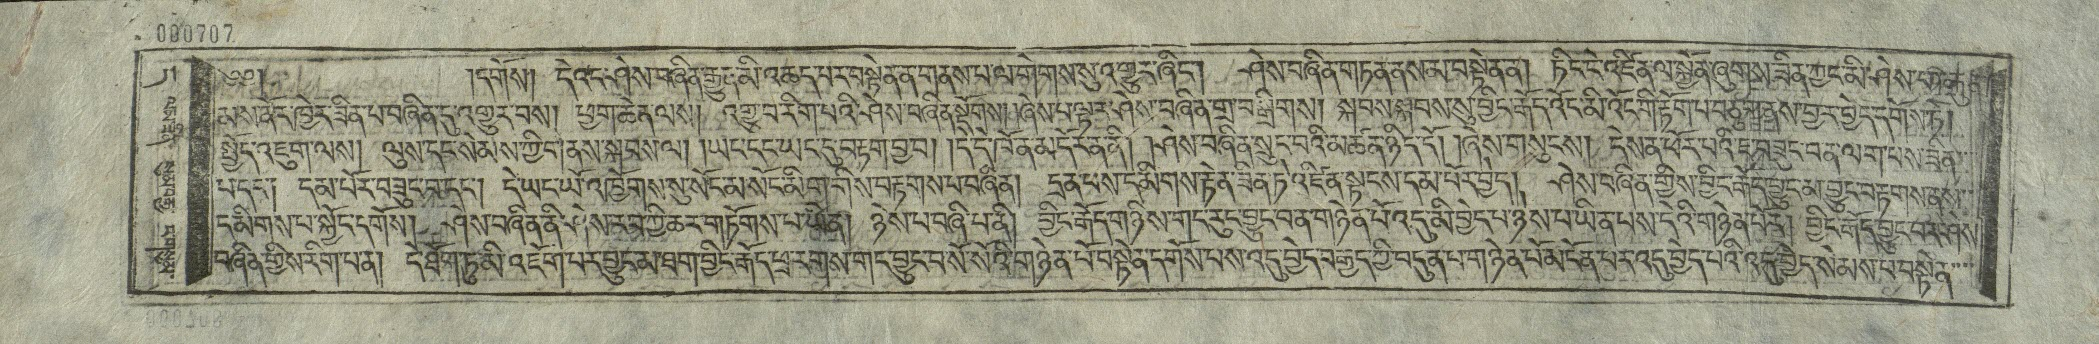༄༅། །དགོས། དེའང་ཤེས་བཞིན་རྒྱུན་མི་འཆད་པར་བསྟེན་ན་གནས་པ་ལ་གེགས་སུ་འགྱུར་ཞིང་། ཤེས་བཞིན་གཏན་ནས་མ་བསྟེན་ན། ཏིང་ངེ་འཛིན་ལ་སྐྱོན་ཞུགས་ཟིན་ཀྱང་མི་ཤེས་པ་རྐུན་
མས་ནོར་ཁྱེར་ཟིན་པ་བཞིན་དུ་འགྱུར་བས། ཕྱག་ཆེན་ལས། འགྱུ་བ་རིག་པའི་ཤེས་བཞིན་སྡོགས། །ཞེས་པ་ལྟར་ཤེས་བཞིན་གྲ་བསྒྲིགས། སྐབས་སྐབས་སུ་བྱིང་རྒོད་འོང་མི་འོང་གི་རྟོག་པ་བཅུག་ནས་བྱ་ར་བྱེད་དགོས་ཏེ།
སྤྱོད་འཇུག་ལས། ལུས་དང་སེམས་ཀྱི་གནས་སྐབས་ལ། །ཡང་དང་ཡང་དུ་བརྟག་བྱ་བ། །དེ་དེ་ཁོ་ན་མདོར་ན་ནི། །ཤེས་བཞིན་སྲུང་བའི་མཚན་ཉིད་དོ། །ཞེས་གསུངས། དེས་ན་ཕོར་པའི་ཇ་བཟུང་བ་ན་ལག་པས་ཟིན་
པ་དང་། དམ་པོར་བཟུང་བ་དང་། དེ་ཡང་ཡོ་འཁྱོགས་སུ་སོང་མ་སོང་མིག་གིས་བརྟགས་པ་བཞིན། དྲན་པས་དམིགས་རྟེན་ཟིན་ཏེ་འཛིན་སྟངས་དམ་པོར་བྱེད། ཤེས་བཞིན་གྱིས་བྱིང་རྒོད་བྱུང་མ་བྱུང་བརྟགས་ནས་
དམིགས་པ་སྐྱོང་དགོས། ཤེས་བཞིན་ནི་ཤེས་རབ་ཀྱི་ཆར་གཏོགས་པ་ཡིན། ཉེས་པ་བཞི་པ་ནི། བྱིང་རྒོད་གཉིས་གང་རུང་བྱུང་བ་ན་གཉེན་པོ་འདུ་མི་བྱེད་པ་ཉེས་པ་ཡིན་པས་དེའི་གཉེན་པོར། བྱིང་རྒོད་བྱུང་བར་ཤེས་
བཞིན་གྱིས་རིག་པ་ན། དེ་ཐོག་ཏུ་མི་འཇོག་པར་བྱུང་མ་ཐག་བྱིང་རྒོད་ཕྲ་རགས་གང་བྱུང་བ་སོ་སོའི་གཉེན་པོ་བསྟེན་དགོས་པས་འདུ་བྱེད་བརྒྱད་ཀྱི་བདུན་པ་གཉེན་པོ་མངོན་པར་འདུ་བྱེད་པའི་འདུ་བྱེད་སེམས་པ་བསྟེན་